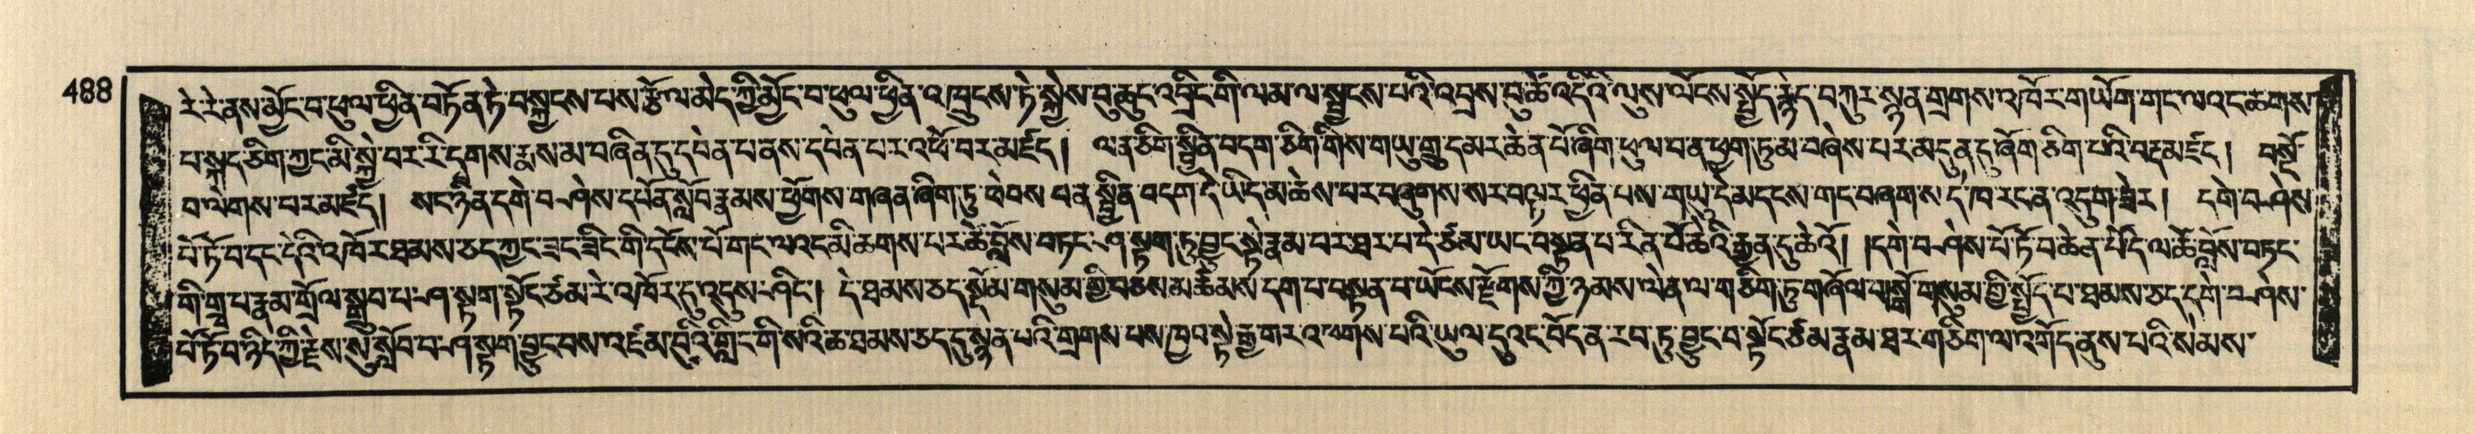རེ་རེ་ནས་མྱོང་བ་ཕུལ་ཕྱིན་བཏོན་ཏེ་བསྐྱངས་པས་རྩོལ་མེད་ཀྱི་མྱོང་བ་ཕུལ་ཕྱིན་འཁྲུངས་ཏེ་སྐྱེས་བུ་ཆུང་འབྲིང་གི་ལམ་ལ་སྦྱངས་པའི་འབྲས་བུ་ཚེ་འདིའི་ལུས་ལོངས་སྤྱོད་རྙེད་བཀུར་སྙན་གྲགས་འཁོར་གཡོག་གང་ལའང་ཆགས་
པ་སྐད་ཅིག་ཀྱང་མི་སྐྱེ་བར་རི་དྭགས་རྣམས་མ་བཞིན་དུ་དབེན་པ་ནས་དབེན་པར་འཕོ་བར་མཛད། ལན་ཅིག་སྦྱིན་བདག་ཅིག་གིས་གཡུ་གྲུ་དམར་ཆེན་པོ་ཞིག་ཕུལ་བ་ན་ཕྱག་ཏུ་མ་བཞེས་པར་མདུན་དུ་ཞོག་ཅིག་པའི་བརྡ་མཛད། བསྔོ་
བ་ལེགས་བར་མཛད། སང་ཉིན་དགེ་བཤེས་དཔོན་སློབ་རྣམས་ཕྱོགས་གཞན་ཞིག་ཏུ་ཕེབས་པ་ན་སྦྱིན་བདག་དེ་ཡིད་མ་ཆེས་པར་བཞུགས་སར་བལྟས་ཕྱིན་པས་གཡུ་དེ་མདངས་གང་བཞགས་དེ་ཁ་རང་ན་འདུག་ཟེར། དགེ་བཤེས་
པོ་ཏོ་བ་དང་དེའི་འཁོར་ཐམས་ཅད་ཀྱང་ཟང་ཟིང་གི་དངོས་པོ་གང་ལའང་མི་ཆགས་པར་ཚེ་བློས་བཏང་ཤ་སྟག་ཏུ་བྱུང་སྟེ་རྣམ་པར་ཐར་པ་དེ་ཙམ་ཡང་བསྟན་པ་རིན་པོ་ཆེའི་རྒྱན་དུ་ཆེའོ། །དགེ་བཤེས་པོ་ཏོ་བ་ཆེན་པོ་དེ་ལ་ཚེ་བློས་བཏང་
གི་གྲྭ་པ་རྣམ་གྲོལ་སྒྲུབ་པ་ཤ་སྟག་སྟོང་ཙམ་རེ་འཁོར་དུ་འདུས་ཤིང་། དེ་ཐམས་ཅད་སྡོམ་གསུམ་གྱི་བཅས་མཚམས་དག་པ་བསྟན་པ་ཡོངས་རྫོགས་ཀྱི་ཉམས་ལེན་ལ་གཅིག་ཏུ་གཞོལ་བ། སྒོ་གསུམ་གྱི་སྤྱོད་པ་ཐམས་ཅད་དགེ་བཤེས་
པོ་ཏོ་བ་ཉིད་ཀྱི་རྗེས་སུ་སློབ་པ་ཤ་སྟག་བྱུང་བས་འཛམ་བུའི་གླིང་གི་སའི་ཆ་ཐམས་ཅད་དུ་སྙེན་པའི་གྲགས་པས་ཁྱབ་སྟེ་རྒྱ་གར་འཕགས་པའི་ཡུལ་དུའང་བོད་ན་རབ་ཏུ་བྱུང་བ་སྟོང་ཙམ་རྣམ་ཐར་གཅིག་ལ་འགོད་ནུས་པའི་སེམས་